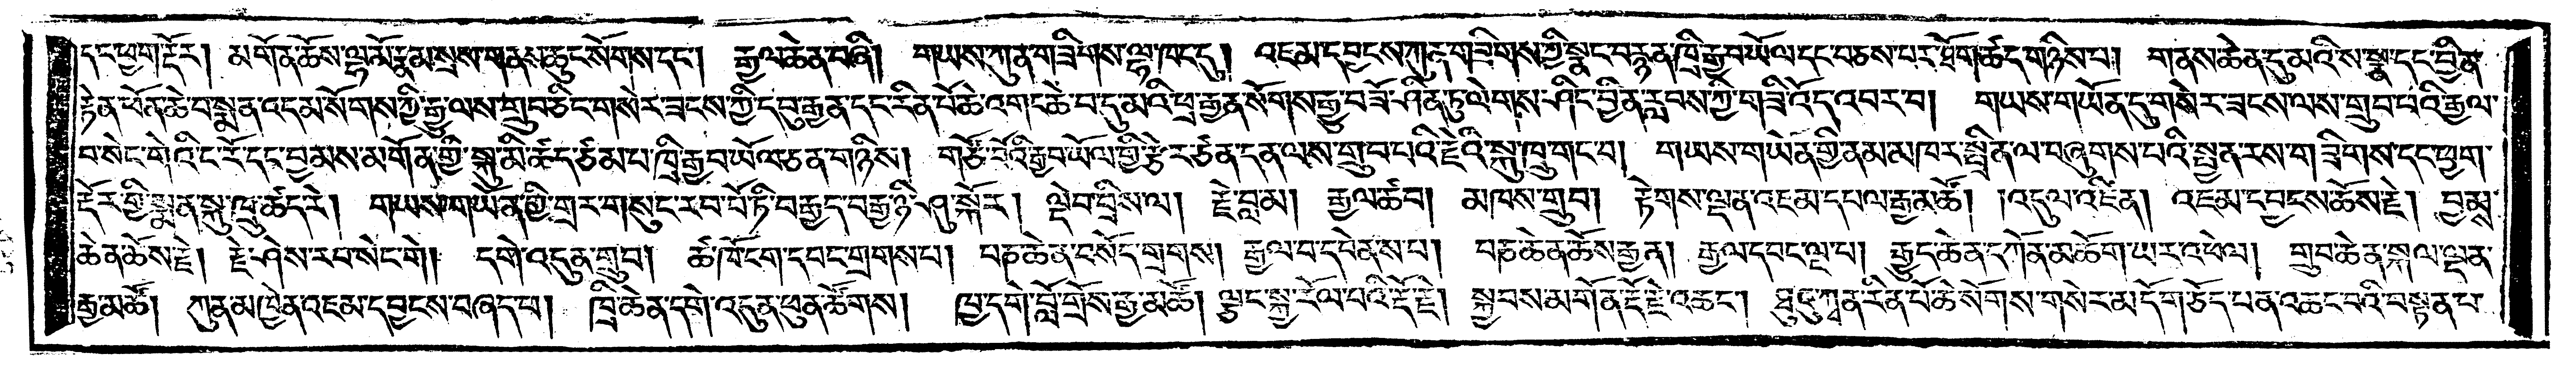དང་ཕྱག་རྡོར། མགོན་ཆོས་ལྷ་མོ་རྣམ་སྲས་གནས་ཆུང་སོགས་དང་། རྒྱལ་ཆེན་བཞི། གཡས་ཀུན་གཟིགས་ལྷ་ཁང་དུ། འཇམ་དབྱངས་ཀུན་གཟིགས་ཀྱི་སྣང་བརྙན་ཁྲི་རྒྱབ་ཡོལ་དང་བཅས་པར་ཐོག་ཚད་གཉིས་པ། གནས་ཆེན་དུ་མའི་ས་སྣ་དང་བྱིན་
རྟེན་ཕོན་ཆེ་བ་སྨན་འདམ་སོགས་ཀྱི་རྒྱུ་ལས་གྲུབ་ཅིང་གསེར་ཟངས་ཀྱི་དབུ་རྒྱན་དང་རིན་པོ་ཆེ་འགང་ཆེ་བ་དུ་མའི་ཕྲ་རྒྱན་སོགས་རྒྱུ་བཟོ་ཤིན་ཏུ་ལེགས་ཤིང་བྱིན་རླབས་ཀྱི་གཟི་འོད་འབར་བ། གཡས་གཡོན་དུ་གསེར་ཟངས་ལས་གྲུབ་པའི་རྒྱལ་
བ་སེང་གེའི་ང་རོ་དང་བྱམས་མགོན་གྱི་སྐུ་མི་ཚད་ཙམ་པ་ཁྲི་རྒྱབ་ཡོལ་ཅན་གཉིས། གཙོ་བོའི་རྒྱབ་ཡོལ་གྱི་རྩེར་ཙན་དན་ལས་གྲུབ་པའི་རྗེའི་སྐུ་ཁྲུ་གང་བ། གཡས་གཡོན་གྱི་ནམ་མཁར་སྤྲིན་ལ་བཞུགས་པའི་སྤྱན་རས་གཟིགས་དང་ཕྱག་
རྡོར་གྱི་སྨན་སྐུ་ཁྲུ་ཚད་རེ། གཡས་གཡོན་གྱི་གྲར་གསུང་རབ་པོ་ཏི་བརྒྱད་བརྒྱ་ཉི་ཤུ་སྐོར། ལྡེབ་བྲིས་ལ། རྗེ་བླ་མ། རྒྱལ་ཚབ། མཁས་གྲུབ། རྟོགས་ལྡན་འཇམ་དཔལ་རྒྱ་མཚོ། །འདུལ་འཛིན། འཇམ་དབྱངས་ཆོས་རྗེ། བྱམས་
ཆེན་ཆོས་རྗེ། རྗེ་ཤེས་རབ་སེང་གེ། དགེ་འདུན་གྲུབ། ཚ་ཁོ་ངག་དབང་གྲགས་པ། པཎ་ཆེན་བསོད་གྲགས། རྒྱལ་བ་དབེན་ས་པ། པཎ་ཆེན་ཆོས་རྒྱན། རྒྱལ་དབང་ལྔ་པ། རྒྱུད་ཆེན་དཀོན་མཆོག་ཡར་འཕེལ། གྲུབ་ཆེན་སྐལ་ལྡན་
རྒྱ་མཚོ། ཀུན་མཁྱེན་འཇམ་དབྱངས་བཞད་པ། ཁྲི་ཆེན་དགེ་འདུན་ཕུན་ཚོགས། ཁྱ་དགེ་བློ་གྲོས་རྒྱ་མཚོ། ལྕང་སྐྱ་རོལ་པའི་རྡོ་རྗེ། སྐྱབས་མགོན་རྡོ་རྗེ་འཆང་། ཐུའུ་ཀྭན་རིན་པོ་ཆེ་སོགས་གསེར་མདོག་ཅོད་པན་འཆང་བའི་བསྟན་པ་